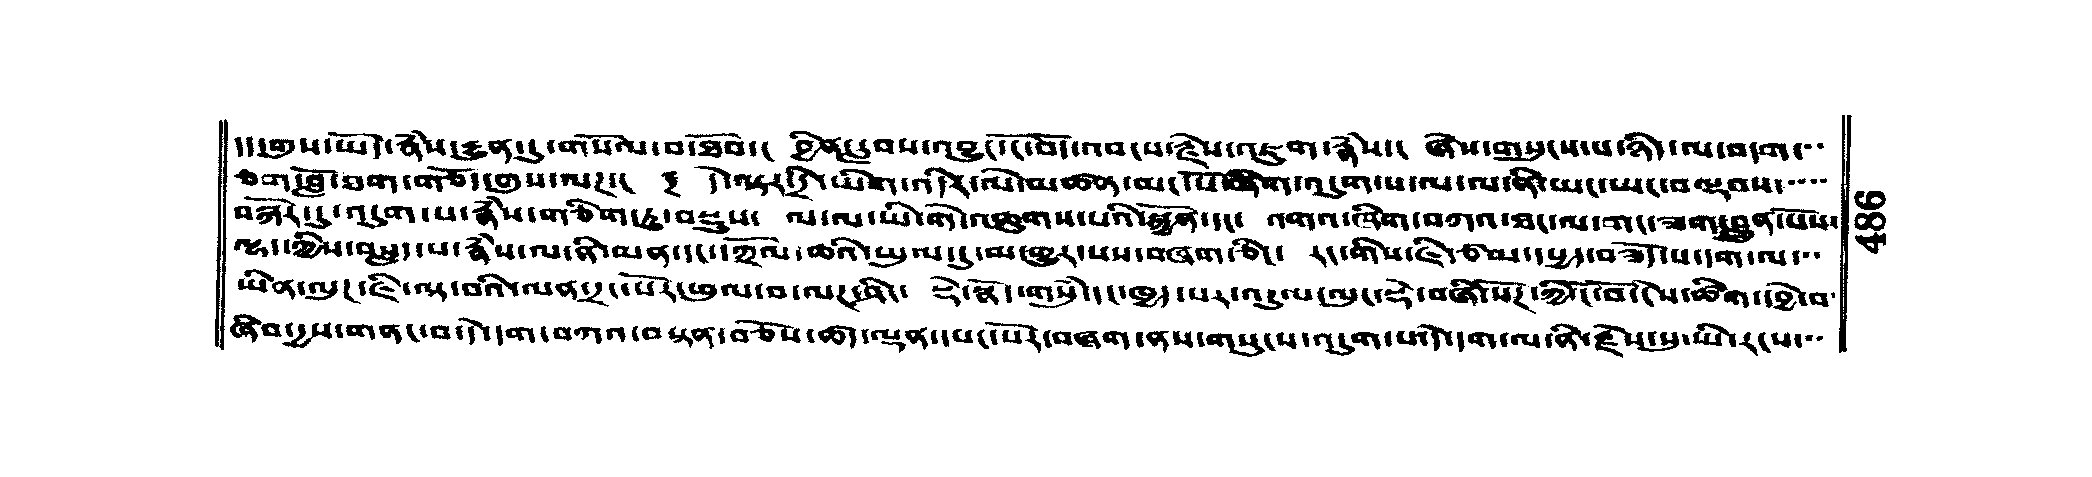།དད་གུས་ཡོད་རྣམས་རྒྱུན་དུ་གསོལ་བ་ཐོབ། །བྱིན་རླབས་འབྱུང་ངོ་བོད་འབངས་རྗེས་འཇུག་རྣམས། ཞེས་གསུངས་པ་ཉིད་ལ་བདག་
ཅག་བློ་ཐག་གཅོད་ཁུུལ་ལགས། ༈ དེ་ལྟར་དྲི་ཡིག་འདིར་ལེ་མཚན་མང་པོ་ཞིག་འདུག་པ་ལ་ལ་ནི་ཡང་ཡང་བལྡབས་
བསྐོར་དུ་འདུག་པ་རྣམས་གཅིག་ཏུ་བསྡུས། ལ་ལ་ཡི་གེ་འཆུགས་པའི་སྐྱོན་དང་། འགའ་ཞིག་བཀའ་ཐང་ལ་གང་ཟག་བླུན་པོས་
ལྷད་ཀྱིས་བསླད་པ་རྣམས་ལ་ནི་ལན་དང་དཀྲོལ་ཆའི་ཡུལ་དུ་མ་གྱུར་པས་བཞག་ཅིང་། རང་གིས་ཇི་ཙམ་དཔྱད་བཟོད་པ་དག་ལ་
ཡིན་ལུགས་ཇི་ལྟ་བའི་ལན་དྲང་པོར་ཕུལ་བ་ལགས་ཤིང་། སྡེ་སྣོད་གསུམ་དང་ཁྱད་པར་འདུལ་ལུང་སྡེ་བཞི་སོགས་ཀྱི་ངོ་བོ་ཚིག་དབྱེ་བ་
ཞིབ་རྒྱས་གནང་བདེ་དག་བཀའ་བསྟན་བཅོས་ཚད་ལྡན་དཔང་པོར་བཞག་ནས་གསུངས་འདུག་པ་དེ་དག་ལ་ནི་རྗེས་སུ་ཡི་རངས་